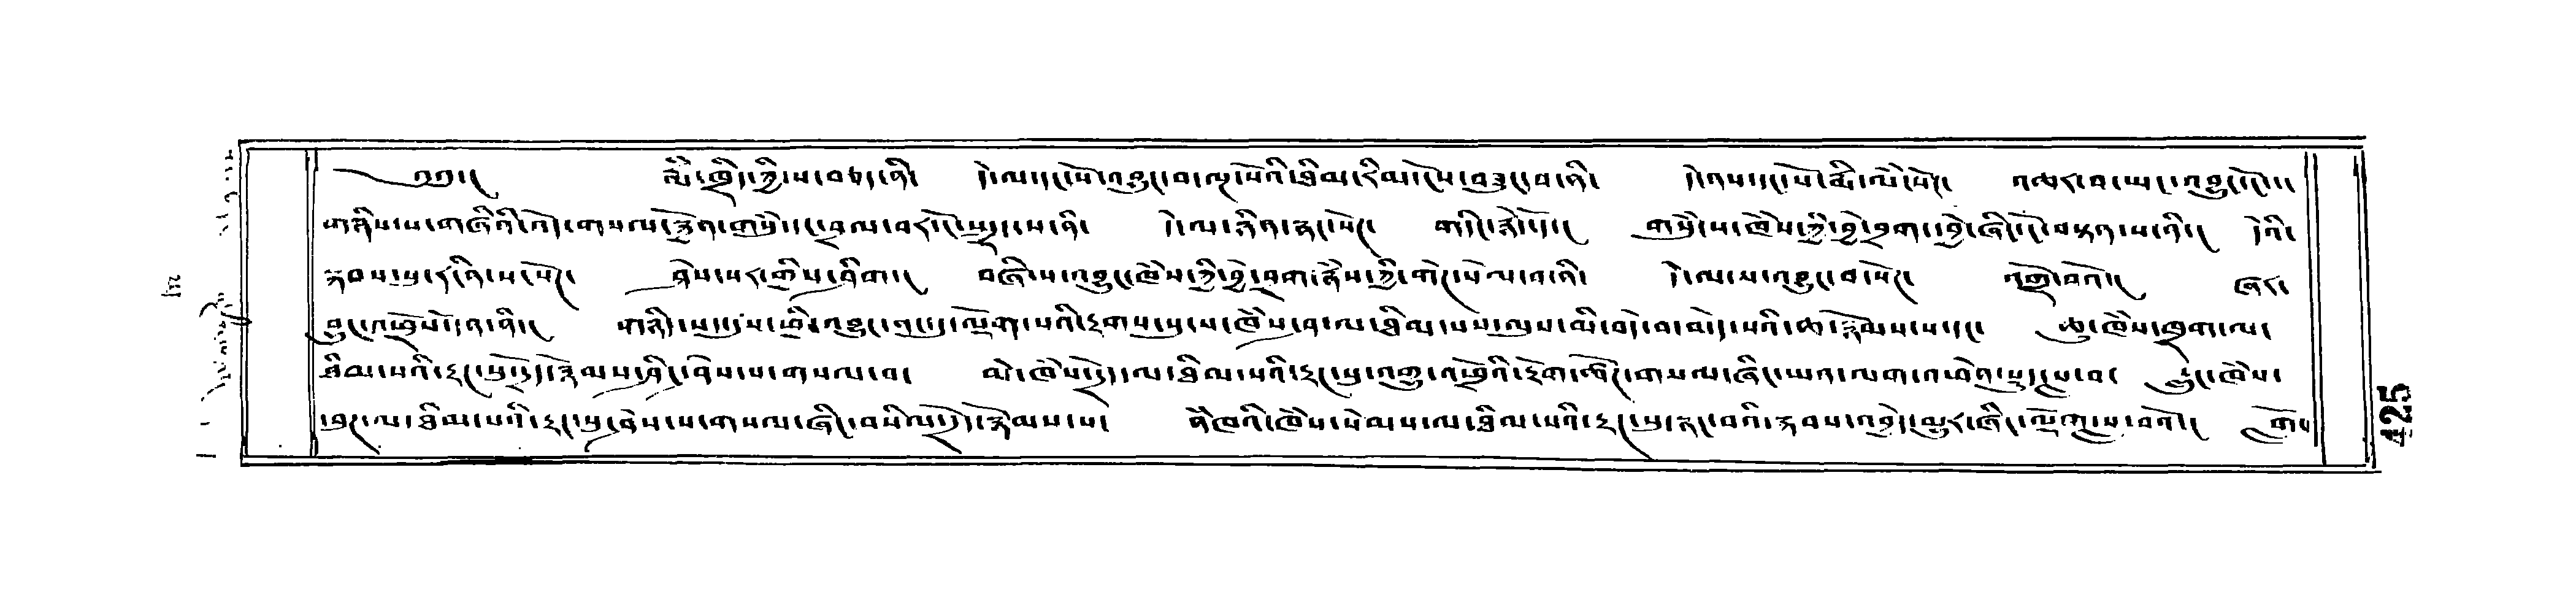རྨི་ཁྲིད་ཀྱི་ས་བཅད་ནི། དེ་ལ་དང་པོ་འབྱུང་བ་ལྔ་པོའི་ཐིམ་རིམ་ངོས་བཟུང་བ་ནི། དེ་ནས་དང་པོ་རྨི་ལམ་སོགས། འཆར་བ་ཡང་འབྱུང་ངོ་། 
གཉིས་པ་གཞིའི་འོད་གསལ་སྐྱོན་གསུམ་དང་བྲལ་བར་ངོ་སྤྲད་པ་ནི། དེ་ལ་ཉིན་སྣང་སོགས། གདིང་རྙེད་དོ། གསུམ་པ་ཁམས་ཀྱི་བྱེ་བྲག་དབྱེ་ཞིང་ངོ་བསྟན་པ་ནི། དེའི་
སྐབས་སུ་རང་བཞིན་ས་སོགས། ཤེས་པར་གྱིས་ཤིག བཞི་པ་འབྱུང་ཁམས་ཀྱི་བྱེ་བྲག་རྣམས་ཀྱི་གེགས་སེལ་བ་ནི། དེ་ལ་ས་འབྱུང་བ་སོགས། འགྲོ་བའོ། ཞར་
བྱུང་འཕྲོས་དོན་ནི། གཉིད་སད་དུས་ཕྱི་འབྱུང་ནང་དུ་ལྡོག་པའི་རྟགས་སུ་ས་ཁམས་ཤ་ལ་ཐིམ་པས་ལུས་མི་བདེ་བ་མེད་པའི་ཆ་སྙོམས་པ་དང་། ཆུ་ཁམས་ཁྲག་ལ་
ཐིམ་པའི་རྟགས་སུ་དྲོད་སྙོམས་ཤིང་ཤེས་པ་གསལ་བ། མེ་ཁམས་དྲོད་ལ་ཐིམ་པའི་རྟགས་སུ་འགྱུ་འཕྲོའི་རྟོག་ཚོགས་གསལ་ཞིང་ཡན་ལག་འཕེན་སྡུད་སླ་བ། རླུང་ཁམས་
ཕུགས་ལ་ཐིལ་པའི་རྟགས་སུ་ཤེས་གསལ་ཞིང་བསི་སྙོམས་པ་ ནམ་མཁའི་ཁམས་སེམས་ལ་ཐིམ་པའི་རྟགས་སུ་སྣང་བའི་སྐབས་འབྱེད་མྱུར་ཞིང་ལྡོག་སླ་བའོ། གློ་